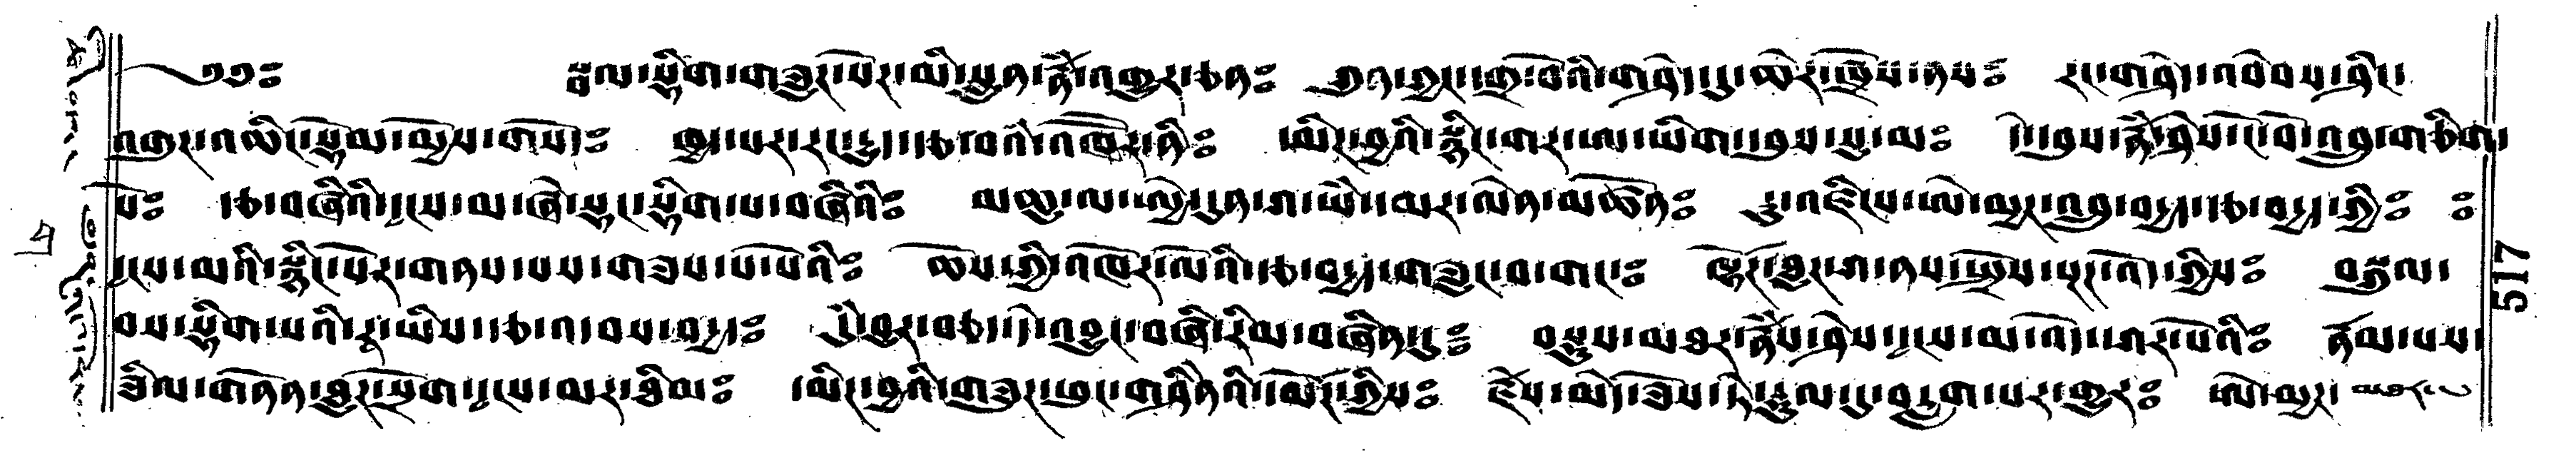སྦལ་སྡིག་གཟུགས་པོར་མི་སྲུན་རྣམ་འགྱུར་ཅན༔ ཀུན་ཀྱང་དགྲ་བོའི་གཤེད་དུ་ཆེར་ཁྲོས་ནས༔ རང་གཤེད་འབེབས་ཤིང་
འགུགས་འཆིང་སྡོམ་མྱོས་གསོད༔ ཁྱད་པར་རང་རྒྱུད་རྩ་བའི་འཁོར་ལོ་ནི༔ དམྀགས་བྱའི་སྙིང་གར་ཨ་ཡིག་དབུས་སུ་མ༔ དེ་དབུས་རྣམ་ཤེས་ངོ་བོ་འབྲུ་གཅིག་
པོ༔ རྩ་བཞིའི་དྭངས་མ་ཞེ་སྡང་སྡིག་པ་བཞིའི༔ མཆུ་ལ་ཨྱེ་དུན་ཀ་ཡཾ་དམར་ལེན་མཚོན༔ རུ་འཛིངས་ཨེ་མྱགས་འབྲུ་བརྒྱད་རྩ་བརྒྱད་ཀྱི༔ 
དྭངས་མའི་སྙིང་པོར་གནས་པས་གཟས་པ་པོའི༔ ཆོས་ཀྱི་འཁོར་ལོའི་རྩ་བརྒྱད་གཟུང་བ་གང༔ ལྷ་ཚོགས་ཐུགས་ཀ་ནས་སྤྲོས་སྔགས་འོད་ཀྱིས༔ བསྐུལ་
བས་སྡིག་པའི་རྭ་ཡིས་རྩ་འདབས་བརྒྱད༔ དུམ་བུར་བཅད་དེ་འབྱུང་བཞི་རིམ་བཞིན་དུ༔ བསྡུས་མཐར་རྣམ་ཤེས་དྭངས་མ་འོད་དཀར་པོའི༔ རྣམ་པས་
ཟིལ་གནོན་ཐུགས་སྲོག་དྭངས་མར་ཐིམ༔དམིགས་བྱའི་གཟུགས་ཕུང་གཤིན་རྗེའི་དམག་ཚོགས་ཀྱིས༔ རྗེས་མེད་ཟོས་ཏེ་རྡུལ་དུ་རློག་པར་གྱུར༔ ཨེ་མྱགས། མཐར།